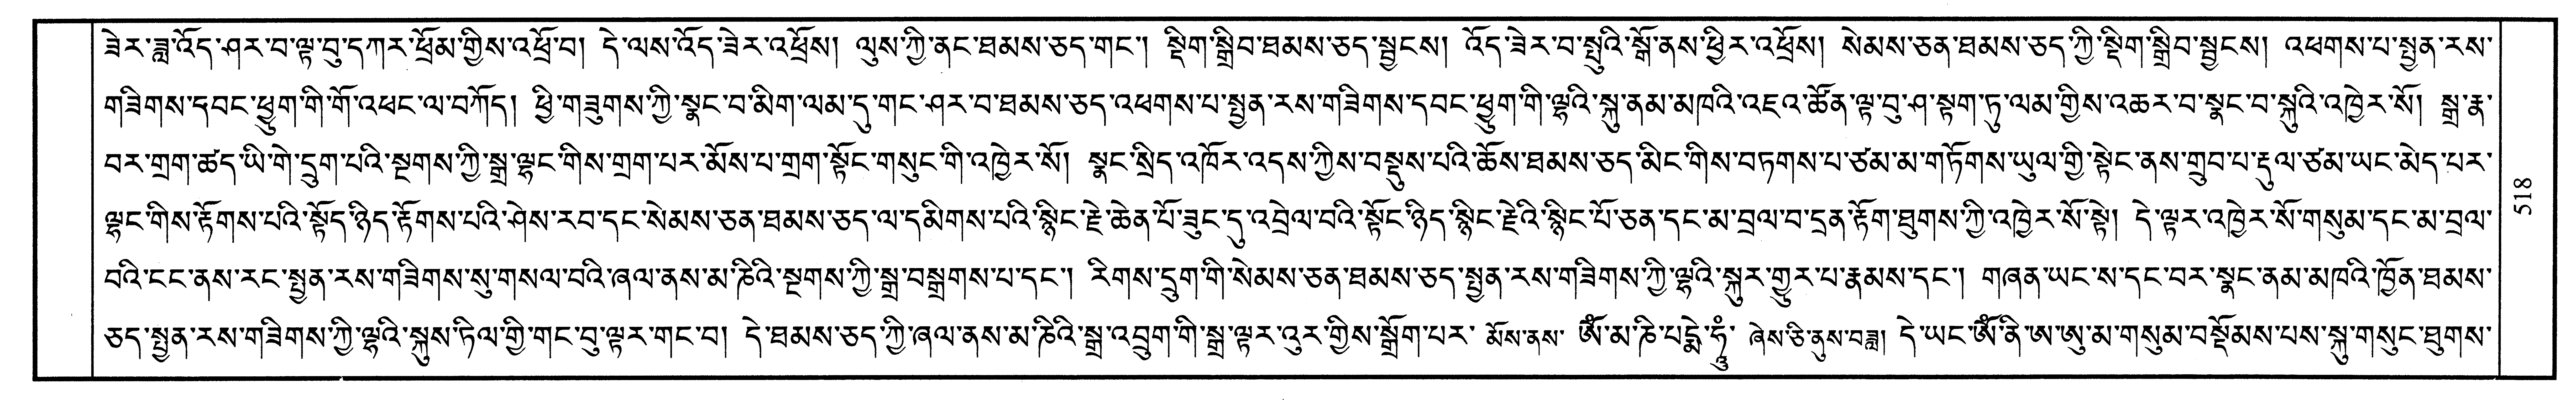ཟེར་ཟླ་འོད་ཤར་བ་ལྟ་བུ་དཀར་ཕྲོམ་གྱིས་འཕྲོ་བ། དེ་ལས་འོད་ཟེར་འཕྲོས། ལུས་ཀྱི་ནང་ཐམས་ཅད་གང་། སྡིག་སྒྲིབ་ཐམས་ཅད་སྦྱངས། འོད་ཟེར་བ་སྤུའི་སྒོ་ནས་ཕྱིར་འཕྲོས། སེམས་ཅན་ཐམས་ཅད་ཀྱི་སྡིག་སྒྲིབ་སྦྱངས། འཕགས་པ་སྤྱན་རས་
གཟིགས་དབང་ཕྱུག་གི་གོ་འཕང་ལ་བཀོད། ཕྱི་གཟུགས་ཀྱི་སྣང་བ་མིག་ལམ་དུ་གང་ཤར་བ་ཐམས་ཅད་འཕགས་པ་སྤྱན་རས་གཟིགས་དབང་ཕྱུག་གི་ལྷའི་སྐུ་ནམ་མཁའི་འཇའ་ཚོན་ལྟ་བུ་ཤ་སྟག་ཏུ་ལམ་གྱིས་འཆར་བ་སྣང་བ་སྐུའི་འཁྱེར་སོ། སྒྲ་རྣ་
བར་གྲག་ཚད་ཡི་གེ་དྲུག་པའི་སྔགས་ཀྱི་སྒྲ་ལྷང་གིས་གྲག་པར་མོས་པ་གྲག་སྟོང་གསུང་གི་འཁྱེར་སོ། སྣང་སྲིད་འཁོར་འདས་ཀྱིས་བསྡུས་པའི་ཆོས་ཐམས་ཅད་མིང་གིས་བཏགས་པ་ཙམ་མ་གཏོགས་ཡུལ་གྱི་སྟེང་ནས་གྲུབ་པ་རྡུལ་ཙམ་ཡང་མེད་པར་
ལྷང་གིས་རྟོགས་པའི་སྟོད་ཉིད་རྟོགས་པའི་ཤེས་རབ་དང་སེམས་ཅན་ཐམས་ཅད་ལ་དམིགས་པའི་སྙིང་རྗེ་ཆེན་པོ་ཟུང་དུ་འབྲེལ་བའི་སྟོང་ཉིད་སྙིང་རྗེའི་སྙིང་པོ་ཅན་དང་མ་བྲལ་བ་དྲན་རྟོག་ཐུགས་ཀྱི་འཁྱེར་སོ་སྟེ། དེ་ལྟར་འཁྱེར་སོ་གསུམ་དང་མ་བྲལ་
བའི་ངང་ནས་རང་སྤྱན་རས་གཟིགས་སུ་གསལ་བའི་ཞལ་ནས་མ་ཎིའི་སྔགས་ཀྱི་སྒྲ་བསྒྲགས་པ་དང་། རིགས་དྲུག་གི་སེམས་ཅན་ཐམས་ཅད་སྤྱན་རས་གཟིགས་ཀྱི་ལྷའི་སྐུར་གྱུར་པ་རྣམས་དང་། གཞན་ཡང་ས་དང་བར་སྣང་ནམ་མཁའི་ཁྱོན་ཐམས་
ཅན་སྤྱན་རས་གཟིགས་ཀྱི་ལྷའི་སྐུས་ཏིལ་གྱི་གང་བུ་ལྟར་གང་བ། དེ་ཐམས་ཅད་ཀྱི་ཞལ་ནས་མ་ཎིའི་སྒྲ་འབྲུག་གི་སྒྲ་ལྟར་འུར་གྱིས་སྒྲོག་པར་མོས་ནས་ཨོཾ་མ་ཎི་པདམེ་ཧཱུཾ་ཞེས་ཅི་ནུས་བཟླ། དེ་ཡང་ཨོཾ་ནི་ཨ་ཨུ་མ་གསུམ་བསྡོམས་པས་སྐུ་གསུང་ཐུགས་